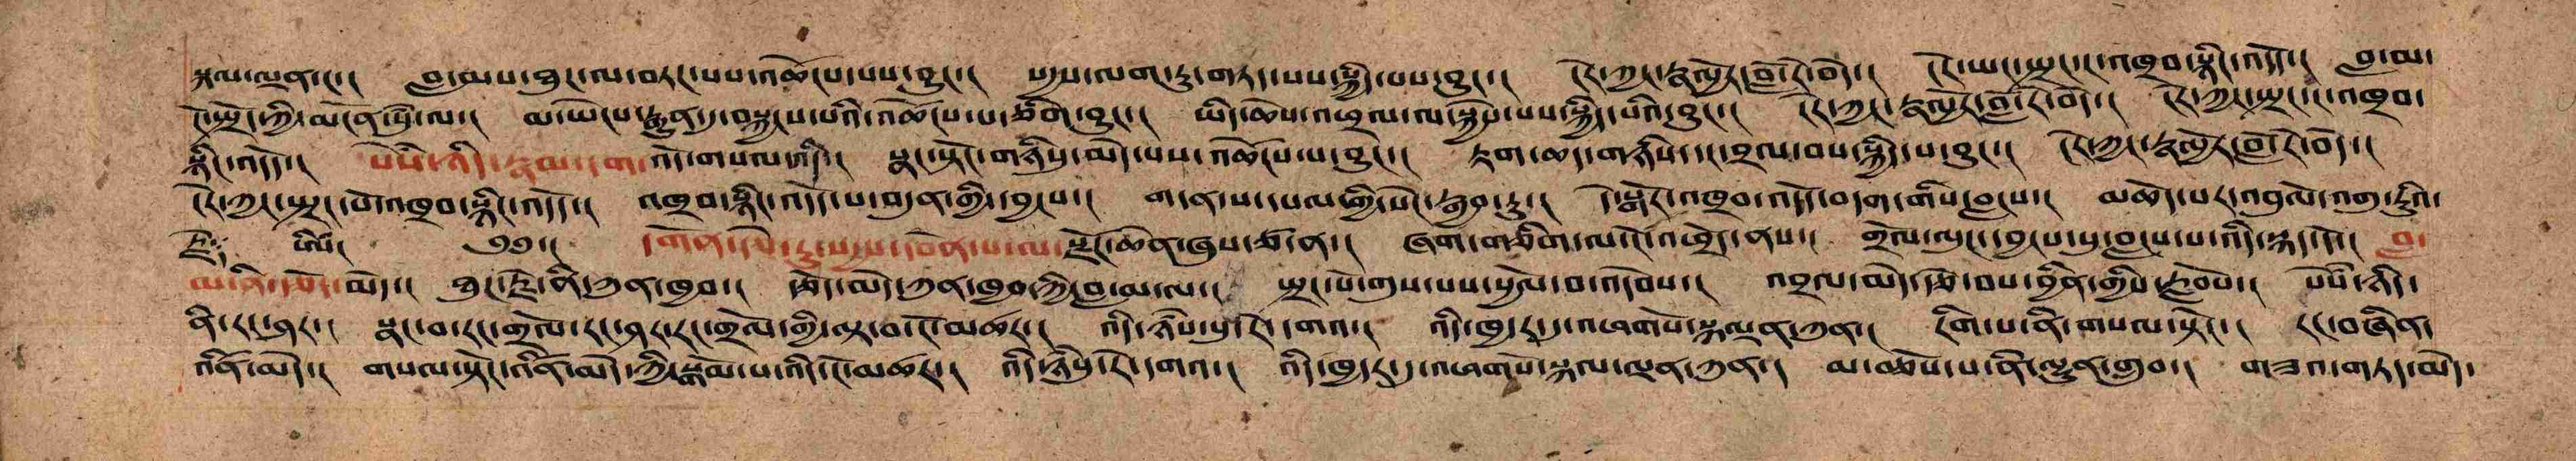སྐལ་ལྡན་ང་།། བླ་མས་ཐུགས་ལ་བཏགས་པས་འཚེངས་པ་བྱུང་།། སངས་རྒྱས་ལག་ཏུ་གཏད་པས་སྐྱིད་པ་བྱུང་།། ངོར་ཀྱང་རྣལ་འབྱོར་བློ་རེ་བདེ།། ངོར་ཀྱང་སྤྲང་ང་འཁྲབ་སྙིང་འདོད།། བླ་མ་
ངོ་སྤྲོད་མངོན་སུམ་ལ།། མ་ཡེངས་རྒྱུན་དུ་བསྐྱངས་པའི་འཚེངས་པ་ཅིག་བྱུང་།། ཡིད་ཆེས་འཕྲལ་ལ་སྐྱེས་པས་སྐྱིད་པའི་བྱུང་།། ངོར་ཀྱང་རྣལ་འབྱོར་བློ་རེ་བདེ།། ངོར་ཀྱང་སྤྲང་ང་འཁྲབ་
སྙིང་འདོད།། སེམས་ཉིད་རྣམ་དག་འོད་གསལ་འདི།། སྣང་སྟོང་གཉིས་སུ་མེད་པས་འཚེངས་པ་བྱུང་།། རྟག་ཆད་གཉིས་དང་བྲལ་བས་སྐྱིད་པ་བྱུང་།། ངོར་ཀྱང་རྣལ་འབྱོར་བློ་རེ་བདེ།། 
ངོར་ཀྱང་སྤྲང་ང་འཁྲབ་སྙིང་འདོད།། འཁྲབ་སྙིང་འདོད་པ་བདུན་གྱི་དབྱངས།། གདན་ས་དཔལ་གྱི་སེང་རྒྱབ་ཏུ།། དོ་སྒོར་འཁྲབ་འདོད་བདག་གིས་བླངས།། མཆོད་པར་འབུལ་ལོ་འགུ་རུའི་
རྗེ།། ཨིཊི།། ༄་། དགོན་རྩེ་རུ་སངས་རྒྱས་དབེན་པ་ལ་རྫོགས་ཆེན་ཞུས་ཙ་ན།། ཞག་གཅིག་ལ་ངོ་འཕྲོད་ནས་གྲོལ་ལུགས་དབྱངས་སུ་བླངས་པ་འདི་སྐད་དོ།། བླ་
མ་ནི་རྩོད་མེད།། ཐུགས་རྗེ་ནི་ཀུན་ཁྱབ།། རྩོད་མེད་ཀུན་ཁྱབ་ཀྱི་བླ་མ་ལ།། སྤྲང་པོ་གུས་པས་གསོལ་བ་འདེབས།། འབྲལ་མེད་བརྩེ་བས་བྱིན་གྱིས་རློབས།། སེམས་ཉིད་
ནི་རང་ཤར།། སྣང་བ་རང་གྲོལ་རང་ཤར་རང་གྲོལ་གྱི་ལྟ་བ་ངོ་མཚར།། འདི་ཉམས་སུ་རེ་དགའ།། འདི་ཁྱད་པར་དུ་འཕགས་སོ་སྐལ་ལྡན་ཀུན།། རིག་པ་ནི་གསལ་སྟེང་།། རང་བཞིན་
འཛིན་མེད།། གསལ་སྟོང་འཛིན་མེད་ཀྱི་སྒོམ་པ་འདི་ངོ་མཚར།། འདི་ཉམས་སུ་རེ་དགའ།། འདི་ཁྱད་པར་དུ་འཕགས་སོ་སྐལ་ལྡན་ཀུན།། མ་བཅོས་པ་ནི་ལྷུན་གྲུབ།། གཟའ་གཏད་མེད་